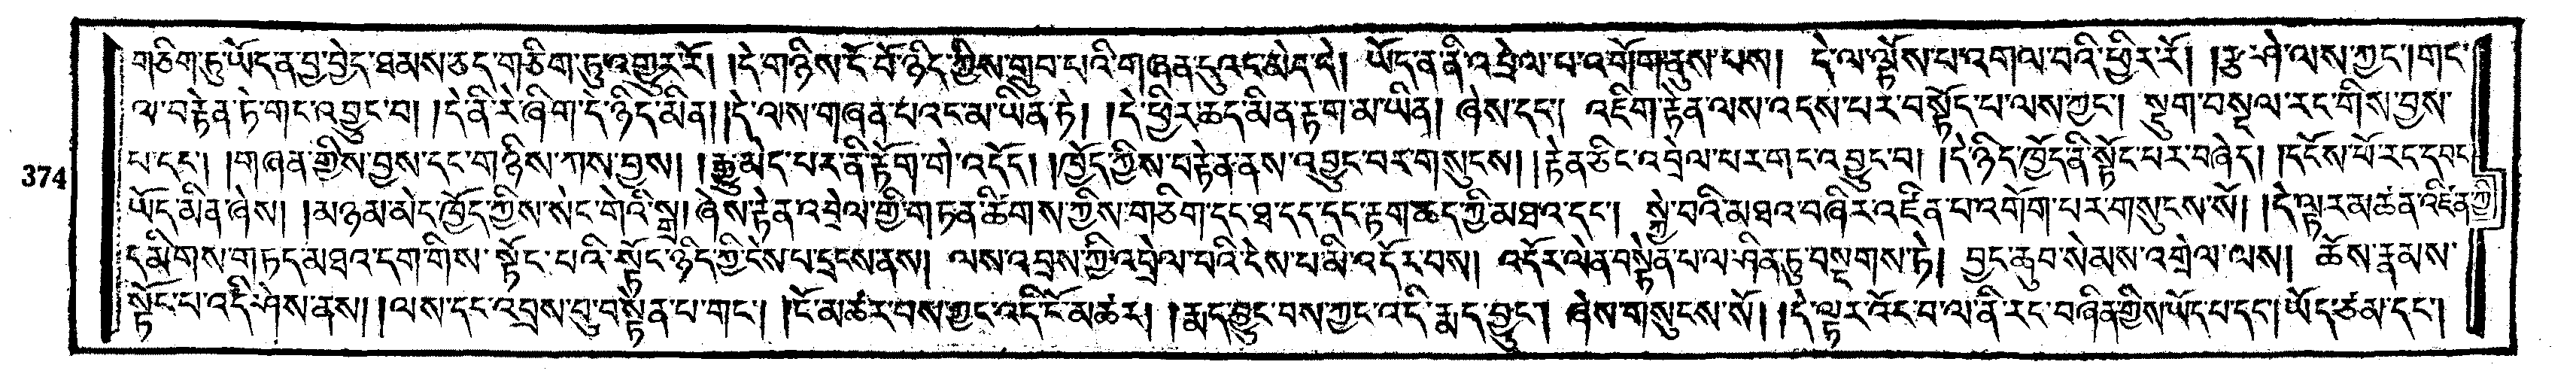གཅིག་ཏུ་ཡོད་ན་བྱ་བྱེད་ཐམས་ཅད་གཅིག་ཏུ་འགྱུར་རོ། །དེ་གཉིས་ངོ་བོ་ཉིད་ཀྱིས་གྲུབ་པའི་གཞན་དུའང་མེད་དེ། ཡོན་ན་ནི་འབྲེལ་པ་འགོག་ནུས་པས། དེ་ལ་ལྟོས་པ་འགལ་བའི་ཕྱིར་རོ། །རྩ་ཤེ་ལས་ཀྱང་། གང་
ལ་བརྟེན་ཏེ་གང་འབྱུང་བ། །དེ་ནི་རེ་ཞིག་དེ་ཉིད་མིན། །དེ་ལས་གཞན་པའང་མ་ཡིན་ཏེ། །དེ་ཕྱིར་ཆད་མིན་རྟ་ག་མ་ཡིན། ཞེས་དང་། འཇིག་རྟེན་ལས་འདས་པར་བསྟོད་པ་ལས་ཀྱང་། སྡུག་བསྔལ་རང་གིས་བྱས་
པ་དང་། །གཞན་གྱིས་བྱས་དང་གཉིས་ཀས་བྱས། །རྒྱུ་མེད་པར་ནི་རྟོག་གེ་འདོད། །ཁྱོད་ཀྱིས་བརྟེན་ནས་འབྱུང་བར་གསུངས། །རྟེན་ཅིང་འབྲེལ་བར་གང་འབྱུང་བ། །དེ་ཉིད་ཁྱོད་ནི་སྟོང་པར་བཞེད། །དངོས་ཕོ་རང་དབང་
ཡོད་མིན་ཞེས། །མཉམ་མེད་ཁྱོད་ཀྱིས་སེང་གེའི་སྒྲ། ཞེས་རྟེན་འབྲེལ་གྱི་གཏན་ཚིགས་ཀྱིས་གཅིག་དང་ཐ་དད་དང་རྟག་ཆད་ཀྱི་མཐའ་དང་། སྐྱེ་བའི་མཐའ་བཞིར་འཛིན་པ་འགོག་པར་གསུངས་སོ། །དེ་ལྟར་མཚན་འཛིན་ཀྱི་
དམིགས་གཏད་མཐའ་དག་གིས་སྟོང་བའི་སྟོང་ཉིད་ཀྱི་ངེས་པ་དྲངས་ནས། ལས་འབྲས་ཀྱི་འབྲེལ་བའི་ངེས་པ་མི་འདོར་བས། འདོར་ལེན་བསྟེན་པ་ལ་ཤིན་ཏུ་བསྔགས་ཏེ། བྱང་ཆུབ་སེམས་འགྲེལ་ལས། ཆོས་རྣམས་
སྟོང་པ་འདི་ཤེས་ནས། །ལས་དང་འབྲས་བུ་བསྟན་པ་གང་། །ངོ་མཚར་བས་ཀྱང་འདི་ངོ་མཚར། །རྨད་བྱུང་བས་ཀྱང་འདི་རྨད་བྱུང་། ཞེས་གསུངས་སོ། །དེ་ལྟར་འོང་བ་ལ་ནི་རང་བཞིན་གྱིས་ཡོད་པ་དང་། ཡོད་ཙམ་དང་།